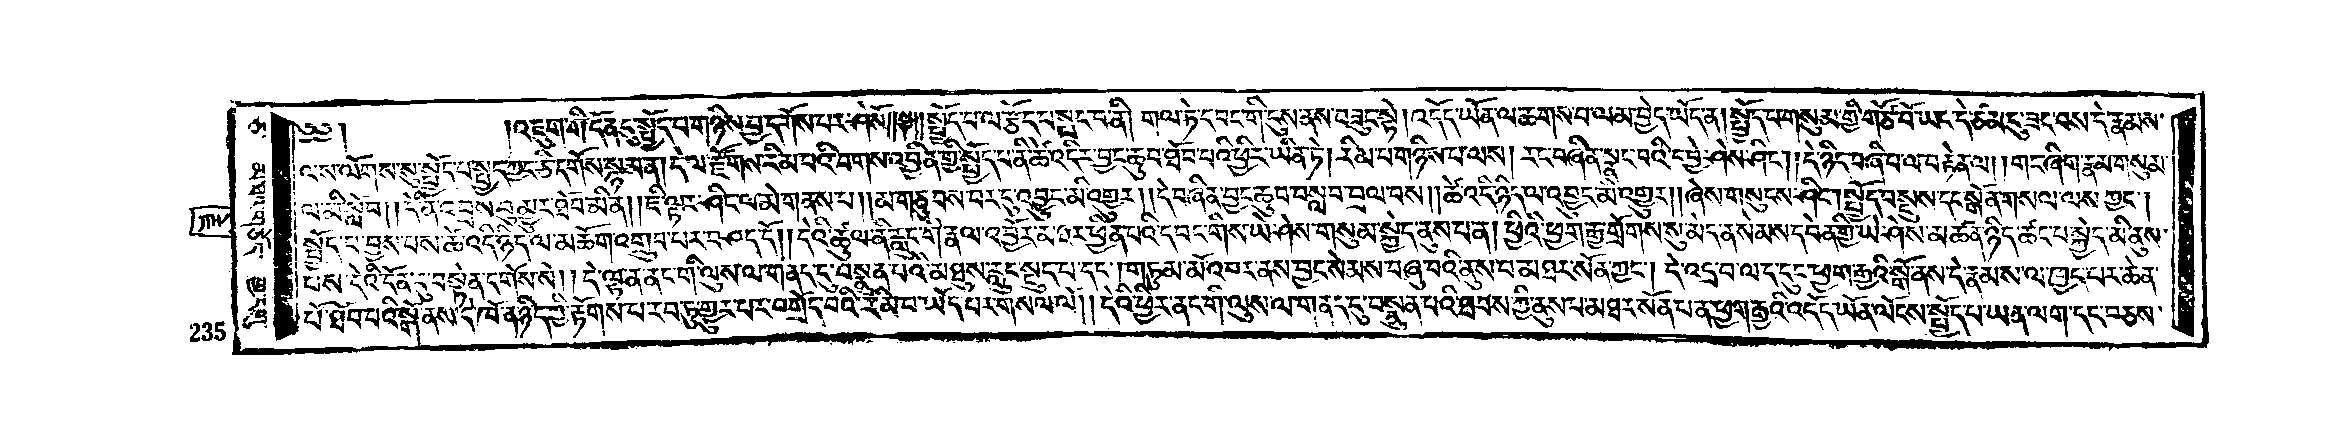༄༅། །འཇུག་གི་དོན་དུ་སྤྱོད་པ་གཉིས་བྱ་དགོས་པར་ཤེས་སོ།། ༈ །།སྤྱོད་པ་ལ་རྩོད་པ་སྤང་བ་ནི། གལ་ཏེ་དབང་གི་དུས་ནས་བཟུང་སྟེ། འདོད་ཡོན་ལ་ཆགས་པ་ལམ་བྱེད་ཡོད་ན། སྤྱོད་པ་གསུམ་གྱི་གཙོ་བོ་ཡང་དེ་ཙམ་དུ་ཟད་པས་དེ་རྣམས་
ལས་ལོགས་སུ་སྤྱོད་པ་སྤྱད་ཀྱང་ཅི་དགོས་སྙམ་ན། དེ་ལ་རྫོགས་རིམ་པའི་བགས་འབྱིན་གྱི་སྤྱོད་པ་ནི་ཚེ་འདིར་བྱང་ཆུབ་ཐོབ་པའི་ཕྱིར་ཡིན་ཏེ། རིམ་པ་གཉིས་པ་ལས། རང་བཞིན་སྣང་བའི་དབྱེ་ཤེས་ཤིང་། །དེ་ཉིད་བཞི་པ་ལ་བརྟེན་ལ། །གང་ཞིག་རྣམ་གསུམ་
ལ་མི་སློབ། །དེ་ནི་འབྲས་བུ་མྱུར་ཐོབ་མིན། །ཇི་ལྟར་ཤིང་ལ་མེ་གནས་པ། །མ་གཅུབས་བར་དུ་འབྱུང་མི་འགྱུར། །དེ་བཞིན་བྱང་ཆུབ་བསླབ་བྲལ་བས། །ཚེ་འདི་ཉིད་ལ་འབྱུང་མི་འགྱུར། །ཞེས་གསུངས་ཤིང་། སྤྱོད་བསྡུས་དང་སྒྲོན་གསལ་ལས་ཀྱང་།
སྤྱོད་པ་བྱས་པས་ཚེ་འདི་ཉིད་ལ་མཆོག་འགྲུབ་པར་བཤད་དོ། །དེའི་ཚུལ་ནི་རླུང་གི་རྣལ་འབྱོར་མཐར་ཕྱིན་པའི་དབང་གིས་ཡེ་ཤེས་གསུམ་སྐྱེད་ནུས་པ་ན། ཕྱིའི་ཕྱག་རྒྱ་གྲོགས་སུ་མེད་ན་སེམས་དབེན་གྱི་ཡེ་ཤེས་མཚན་ཉིད་ཚང་པ་སྐྱེད་མི་ནུས་
པས་དེའི་དོན་དུ་བསྟེན་དགོས་སོ། །དེ་ལྟ་ན་ནང་གི་ལུས་ལ་གནད་དུ་བསྣུན་པའི་མཐུས་རླུང་སྡུད་པ་དང་། གཏུམ་མོ་འབར་ནས་བྱང་སེམས་བཞུ་བའི་ནུས་པ་མཐར་སོན་ཀྱང་། དེ་འདྲ་བ་ལ་ད་དུང་ཕྱག་རྒྱའི་སྒོ་ནས་དེ་རྣམས་ལ་ཁྱད་པར་ཆེན་
པོ་ཐོབ་པའི་སྒོ་ནས་དེ་ཁོ་ན་ཉིད་ཀྱི་རྟོགས་པ་རབ་ཏུ་གྱུར་པར་བགྲོད་པའི་རིམ་པ་ཡོད་པར་གསལ་ལོ། །དེའི་ཕྱིར་ནང་གི་ལུས་ལ་གནད་དུ་བསྣུན་པའི་ཐབས་ཀྱི་ནུས་པ་མཐར་སོན་པ་ན་ཕྱག་རྒྱའི་འདོད་ཡོན་ལོངས་སྤྱོད་པ་ཡན་ལག་དང་བཅས་